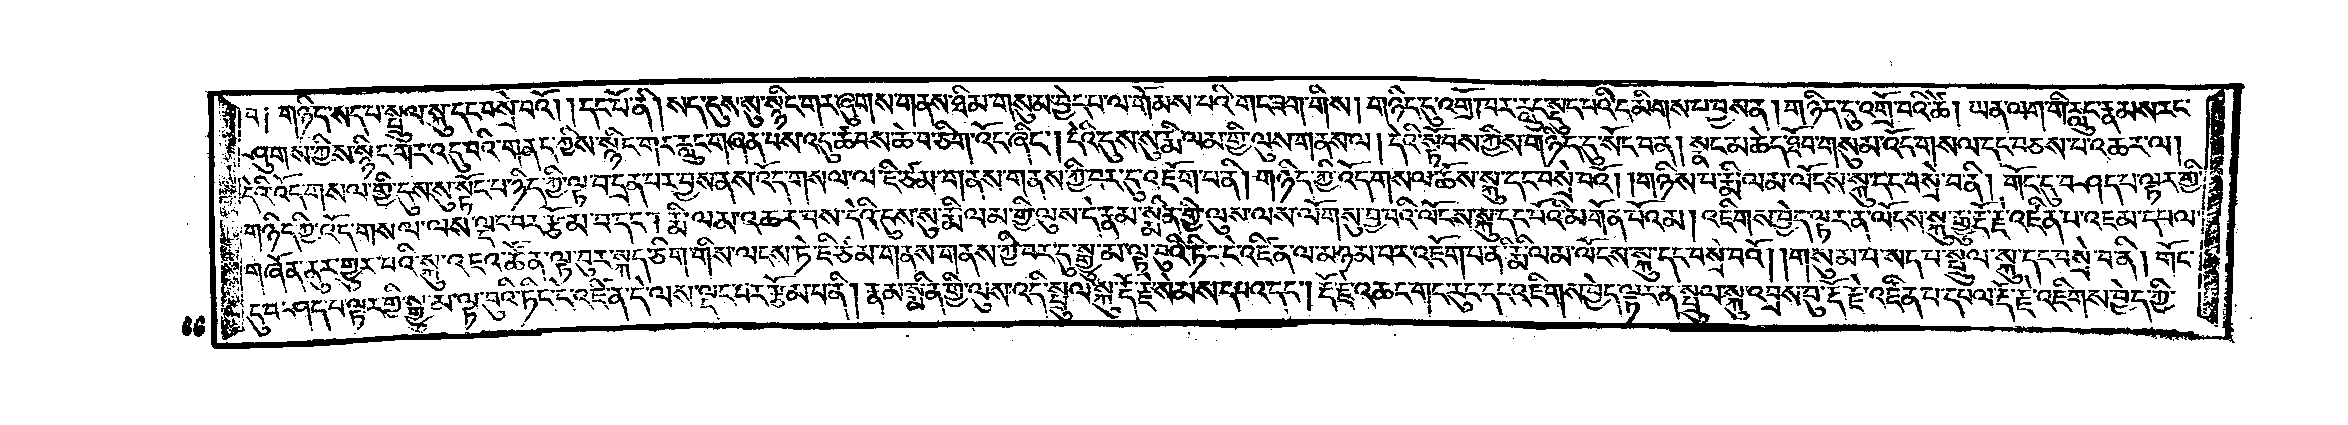བ། གཉིད་སད་པ་སྤྲུལ་སྐུ་དང་བསྲེ་བའོ། །དང་པོ་ནི། སད་དུས་སུ་སྙིང་གར་ཞུགས་གནས་ཐིམ་གསུམ་བྱེད་པ་ལ་གོམས་པའི་གང་ཟག་གིས། གཉིད་དུ་འགྲོ་ཁར་རླུང་སྡུད་པའི་དམིགས་པ་བྱས་ན། གཉིད་དུ་འགྲོ་བའི་ཚེ། ཡན་ལག་གི་རླུང་རྣམས་རང་
ཤུགས་ཀྱིས་སྙིང་གར་འདུ་བའི་གནད་ཀྱིས་སྙིང་གར་རླུང་གཞན་པས་འདུ་ཚབས་ཆེ་བ་ཅིག་འོང་ཞིང་། དེའི་དུས་སུ་རྨི་ལམ་གྱི་ལུས་གནས་ལ། དེའི་སྟོབས་ཀྱིས་གཉིད་དུ་སོང་བ་ན། སྣང་མཆེད་ཐོབ་གསུམ་འོད་གསལ་དང་བཅས་པ་འཆར་ལ།
དེའི་འོད་གསལ་གྱི་དུས་སུ་སྟོང་པ་ཉིད་ཀྱི་ལྟ་བ་དྲན་པར་བྱས་ནས་འོད་གསལ་ལ་ཇི་ཙམ་གནས་གནས་ཀྱི་བར་དུ་འཇོག་པ་ནི། གཉིད་ཀྱི་འོད་གསལ་ཆོས་སྐུ་དང་བསྲེ་བའོ། །གཉིས་པ་རྨི་ལམ་ལོངས་སྐུ་དང་བསྲེ་བ་ནི། གོང་དུ་བཤད་པ་ལྟར་གྱི་
གཉིད་ཀྱི་འོད་གསལ་ལས་ལྡང་བར་རྩོམ་པ་དང་། རྨི་ལམ་འཆར་བས་དེའི་དུས་སུ་རྨི་ལམ་གྱི་ལུས་དེ་རྣམ་སྨིན་གྱི་ལུས་ལས་ལོགས་སུ་བྱ་བའི་ལོངས་སྐུ་དང་པོའི་མགོན་པོའམ། འཇིགས་བྱེད་ལྟར་ན་ལོངས་སྐུ་རྒྱུ་རྡོ་རྗེ་འཛིན་པ་འཇམ་དཔལ་
གཞོན་ནུར་གྱུར་པའི་སྐུ་འཇའ་ཚོན་ལྟ་བུར་སྐད་ཅིག་གིས་ལངས་ཏེ་ཇི་ཙམ་གནས་གནས་ཀྱི་བར་དུ་སྒྱུ་མ་ལྟ་བུའི་ཏིང་ངེ་འཛིན་ལ་མཉམ་པར་འཇོག་པ་ནི་རྨི་ལམ་ལོངས་སྐུ་དང་བསྲེ་བའོ། །གསུམ་པ་སད་པ་སྤྲུལ་སྐུ་དང་བསྲེ་བ་ནི། གོང་
དུ་བཤད་པ་ལྟར་གྱི་སྒྱུ་མ་ལྟ་བུའི་ཏིང་ངེ་འཛིན་དེ་ལས་ལྡང་བར་རྩོམ་པ་ནི། རྣམ་སྨིན་གྱི་ལུས་འདི་སྤྲུལ་སྐུ་རྡོ་རྗེ་སེམས་དཔའ་དང་། རྡོ་རྗེ་འཆང་གང་རུང་དང་འཇིགས་བྱེད་ལྟར་ན་སྤྲུལ་སྐུ་འབྲས་བུ་རྡོ་རྗེ་འཛིན་པ་དཔལ་རྡོ་རྗེ་འཇིགས་བྱེད་ཀྱི་